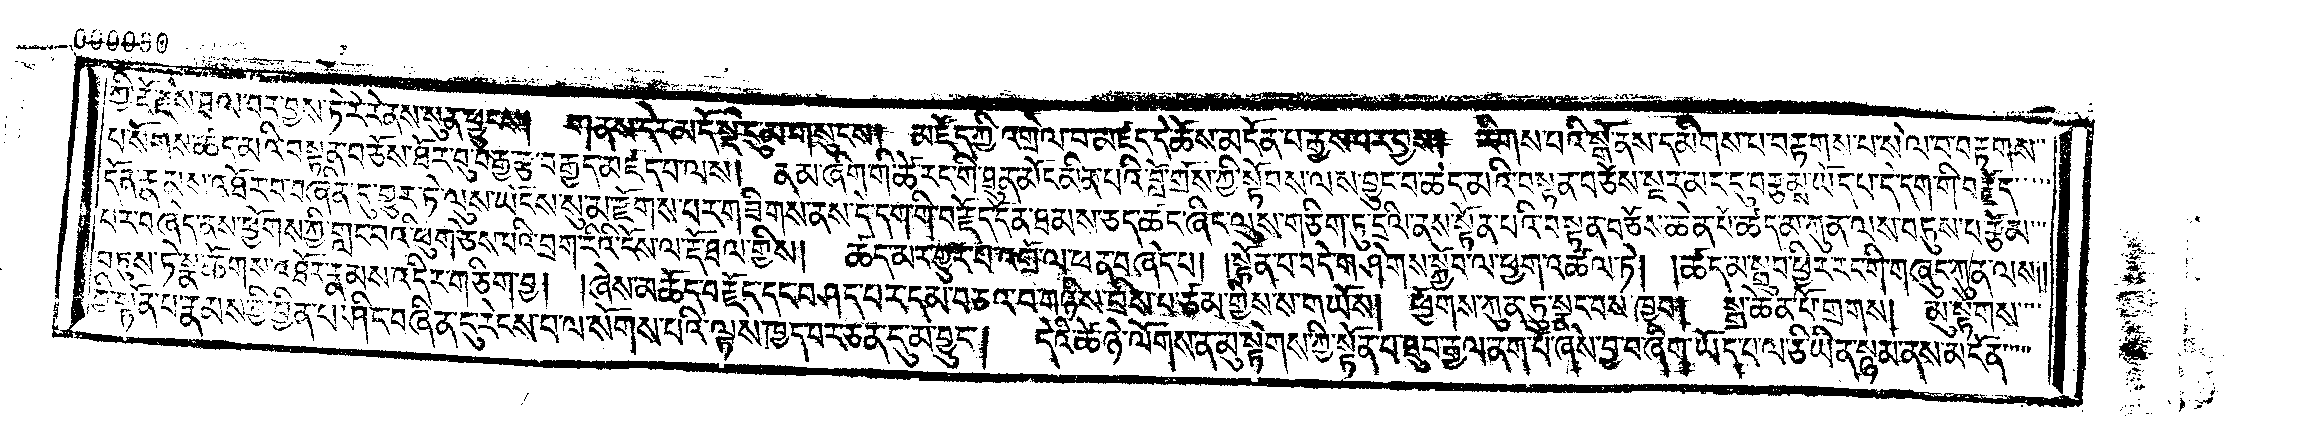ཀྱི་རྡོ་རྗེས་ཐལ་བར་བྱས་ཏེ་རེ་རེ་ནས་སུན་ཕྱུངས། གནས་དེར་མདོ་སྡེ་དུ་མ་གསུངས། མཛོད་ཀྱི་འགྲེལ་པ་མཛད་དེ་ཆོས་མངོན་པ་རྒྱས་པར་བྱས། རིགས་པའི་སྒོ་ནས་དམིགས་པ་བརྟགས་པ་སེལ་བ་བརྟགས་
པ་སོགས་ཚད་མའི་བསྟན་བཅོས་ཐོར་བུ་བརྒྱ་རྩ་བརྒྱད་མཛད་པ་ལས། ནམ་ཞིག་གི་ཚེ་རང་གི་ཐུན་མོང་མིན་པའི་བློ་གྲོས་ཀྱི་སྟོབས་ལས་བྱུང་བ་ཚད་མའི་བསྟན་བཅོས་སྔར་མང་དུ་བརྩམས་ཡོད་པ་དེ་དག་གི་བརྗོད་
དོན་རྣམས་འཐོར་བ་བཞིན་དུ་གྱུར་ཏེ་ལུས་ཡོངས་སུ་མ་རྫོགས་བར་གཟིགས་ནས་དེ་དག་གི་བརྗོད་དོན་ཐམས་ཅད་ཚང་ཞིང་ལུས་གཅིག་ཏུ་དྲིལ་ནས་སྟོན་པའི་བསྟན་བཅོས་ཆེན་པོ་ཚད་མ་ཀུན་ལས་བཏུས་པ་རྩོམ་
པར་བཞེད་ནས་ཕྱོགས་ཀྱི་གླང་པོའི་ཕུག་ཅེས་པའི་བྲག་རིའི་ངོས་ལ་རྡོ་ཐལ་གྱིས། ཚད་མར་གྱུར་པ་འགྲོ་ལ་ཕན་བཞེད་པ། །སྟོན་པ་བདེ་གཤེགས་སྐྱོབ་ལ་ཕྱག་འཚལ་ཏེ། །ཚད་མ་སྒྲུབ་ཕྱིར་རང་གི་གཞུང་ཀུན་ལས། །
བཏུས་ཏེ་སྣ་ཚོགས་འཐོར་རྣམས་འདིར་གཅིག་བྱ། །ཞེས་མཆོད་བརྗོད་དང་བཤད་པར་དམ་བཅའ་བ་གཉིས་བྲིས་པ་ཙམ་གྱིས་ས་གཡོས། ཕྱོགས་ཀུན་ཏུ་སྣང་བས་ཁྱབ། སྒྲ་ཆེན་པོ་གྲགས། མུ་སྟེགས་
ཀྱི་སྟོན་པ་རྣམས་ཀྱི་བྱིན་པ་ཤིང་བཞིན་དུ་རེངས་པ་ལ་སོགས་པའི་ལྟས་ཁྱད་པར་ཅན་དུ་མ་བྱུང་། དེའི་ཚེ་ཉེ་ལོགས་ན་མུ་སྟེགས་ཀྱི་སྟོན་པ་ཐུབ་རྒྱལ་ནག་པོ་ཞེས་བྱ་བ་ཞིག་ཡོད་པ་ལ་ཅི་ཡིན་སྙམ་ནས་མངོན་